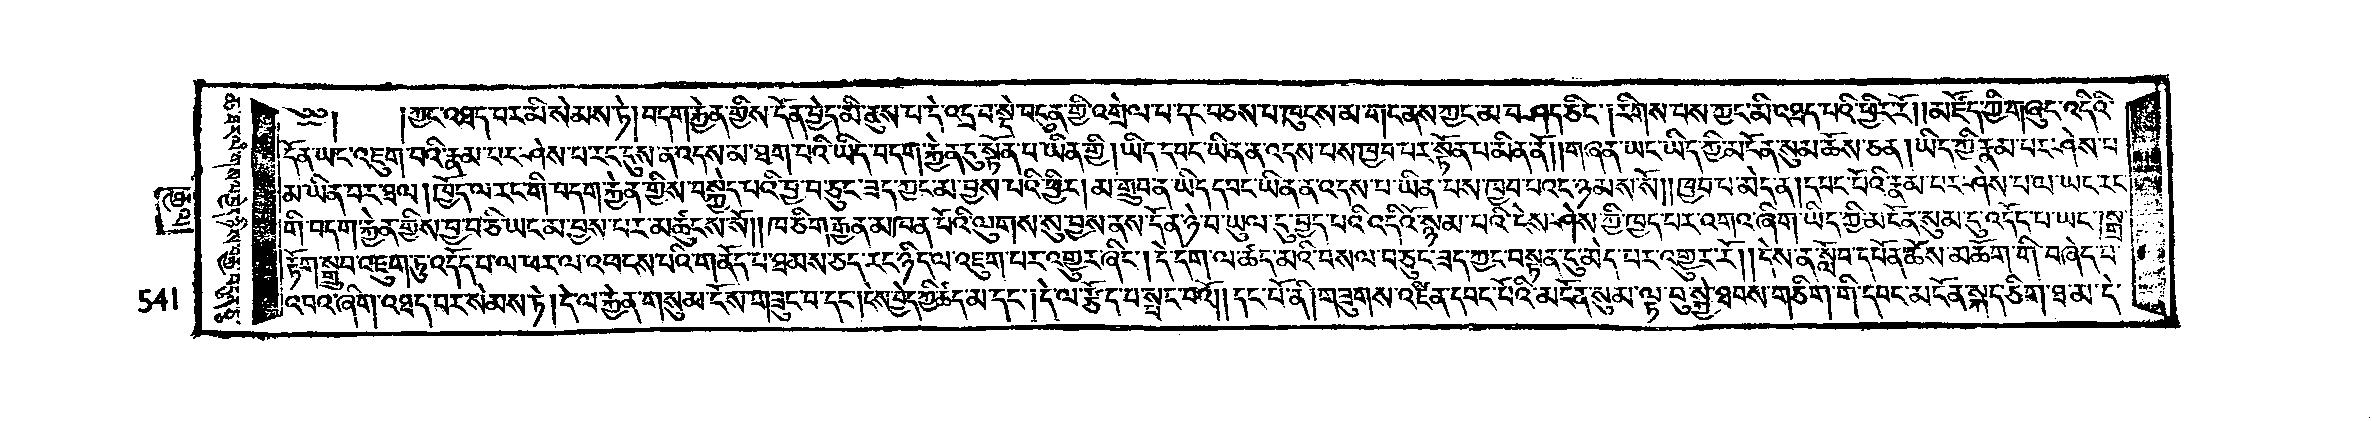༄༅། །ཀྱང་འཐད་པར་མི་སེམས་ཏེ། བདག་རྐྱེན་གྱིས་དོན་བྱེད་མི་ནུས་པ་དེ་འདྲ་བ་སྡེ་བདུན་གྱི་འགྲེལ་པ་དང་བཅས་པ་ཁུངས་མ་གང་ནས་ཀྱང་མ་བཤད་ཅིང་། རིགས་པས་ཀྱང་མི་འཐད་པའི་ཕྱིར་རོ། །མཛོད་ཀྱི་གཞུང་འདིའི་
དོན་ཡང་འཇུག་པའི་རྣམ་པར་ཤེས་པ་རང་དུས་ན་འདས་མ་ཐག་པའི་ཡིད་བདག་རྐྱེན་དུ་སྟོན་པ་ཡིན་གྱི། ཡིད་དབང་ཡིན་ན་འདས་པས་ཁྱབ་པར་སྟོན་པ་མིན་ནོ། །གཞན་ཡང་ཡིད་ཀྱི་མངོན་སུམ་ཆོས་ཅན། ཡིད་ཀྱི་རྣམ་པར་ཤེས་པ་
མ་ཡིན་པར་ཐལ། ཁྱོད་ལ་རང་གི་བདག་རྐྱེན་གྱིས་བསྐྱེད་པའི་བྱ་བ་ཅུང་ཟད་ཀྱང་མ་བྱས་པའི་ཕྱིར། མ་གྲུབ་ན་ཡིད་དབང་ཡིན་ན་འདས་པ་ཡིན་པས་ཁྱབ་པའང་ཉམས་སོ། །ཁྱབ་པ་མེད་ན། དབང་པོའི་རྣམ་པར་ཤེས་པ་ལ་ཡང་རང་
གི་བདག་རྐྱེན་གྱིས་བྱ་བ་ཅི་ཡང་མ་བྱས་པར་མཚུངས་སོ། །ཁ་ཅིག་རྒྱན་མཁན་པོའི་ལུགས་སུ་བྱས་ནས་དོན་ཉེ་བ་ཡུལ་དུ་བྱད་པའི་འདིའོ་སྙམ་པའི་ངེས་ཤེས་ཀྱི་ཁྱད་པར་འགའ་ཞིག་ཡིད་ཀྱི་མངོན་སུམ་དུ་འདོད་པ་ཡང་། སྒྲ་
རྟོག་སྒྲུབ་འཇུག་ཏུ་འདོད་པ་ལ་ཕར་ལ་འཕངས་པའི་གནོད་པ་ཐམས་ཅད་རང་ཉིད་ལ་འཇུག་པར་འགྱུར་ཞིང་། དེ་དག་ལ་ཚད་མའི་བསལ་བ་ཅུང་ཟད་ཀྱང་བསྟན་དུ་མེད་པར་འགྱུར་རོ། །དེས་ན་སློབ་དཔོན་ཆོས་མཆོག་གི་བཞེད་པ་
འབའ་ཞིག་འཐད་པར་སེམས་ཏེ། དེ་ལ་རྐྱེན་གསུམ་ངོས་གཟུང་བ་དང་། ངེས་བྱེད་ཀྱི་ཚད་མ་དང་། དེ་ལ་རྩོད་པ་སྤང་བའོ། །དང་པོ་ནི། གཟུགས་འཛིན་དབང་པོའི་མངོན་སུམ་ལྟ་བུ་སྐྱེ་ཐབས་གཅིག་གི་དབང་མངོན་སྐད་ཅིག་ཐ་མ་དེ་